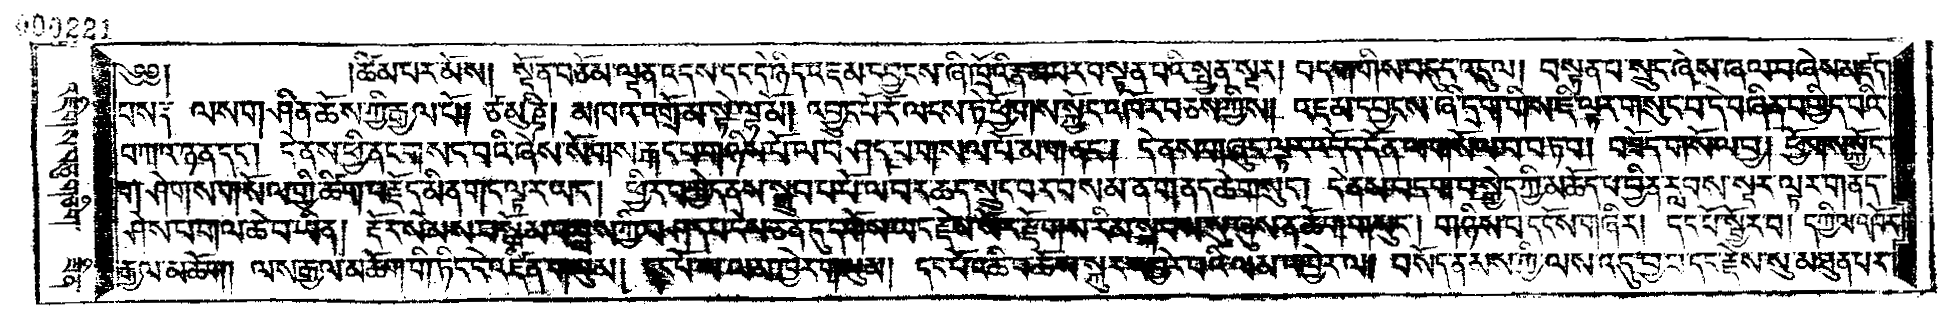༄༅། །ཚིམ་པར་མོས། སྔོན་བཅོམ་ལྡན་འདས་དང་དེ་ཉིད་འཇམ་དབྱངས་ཞི་ཁྲོའི་རྣམ་པར་བསྟན་པའི་སྤྱན་སྔར། བདག་གིས་བདུད་འདུལ། བསྟན་པ་སྲུང་ཞེས་ཞལ་བཞེས་མཛད་
པས༑ ལས་གཤིན་ཆོས་ཀྱི་རྒྱལ་པོ། ཙ་མུཎྜི། མཁའ་འགྲོ་མ་སྟེ་ལྷ་མོ། འབྱུང་པོ་རོ་ལངས་ཏེ་ཕྱོགས་སྐྱོང་འཁོར་བཅས་ཀྱིས། འཇམ་དབྱངས་ཞི་དྲག་གིས་ཇི་ལྟར་གསུང་བ་དེ་བཞིན་བགྱིད་པའི་
བཀའ་ཉན་དང་། དེ་ནས་ཕྱི་ནང་གསང་བའི་ཞེས་སོགས་རྐང་པ་གཉིས་པོ་ལ་བཤད་པ་གསལ་པོ་མ་གནང་། དེ་ནས་གཞུང་ལྟར་འདོད་དོན་ལ་གསོལ་བ་བཏབ། བཟོད་གསོལ་བྱ། ཕྱོགས་སྐྱོང་
གཤེགས་གསོལ་གྱི་ཚིག་བརྗོད་མིན་གང་ལྟར་ཡང་། ཕྱིར་བཀྱེད་ནས་སྒྲུབ་པ་པོ་ལ་བར་ཆད་སྲུང་བར་བསམ་ན་གནད་ཆེ་གསུང་། དེ་ནས་བདག་བསྐྱེད་ཀྱི་མཆོད་པ་བྱིན་རླབས་སྔར་ལྟར་གནད་
ཤེས་པ་གལ་ཆེ་བ་ཡིན། རྡོར་སེམས་བསྒོམ་བཟླས་ཀྱི་བཤད་པ་ངེས་ཅན་དུ་དགོས་ཡང་རྗེས་སོར་རྫོགས་རིམ་སྐབས་སུ་ཞུས་ན་ཆོག་གསུང་། གཉིས་པ་དངོས་གཞིར། དང་པོ་སྦྱོར་བ། དཀྱིལ་འཁོར་
རྒྱལ་མཆོག །ལས་རྒྱལ་མཆོག་གི་ཏིང་ངེ་འཛིན་གསུམ། དང་པོ་ལ་ལམ་ཁྱེར་གསུམ། དང་པོ་འཆི་བ་ཆོས་སྐུར་འཁྱེར་བའི་ལམ་འཁྱེར་ལ། བསོད་ནམས་ཀྱི་ལས་འདུ་བྱ་བ་དང་རྗེས་སུ་མཐུན་པར་